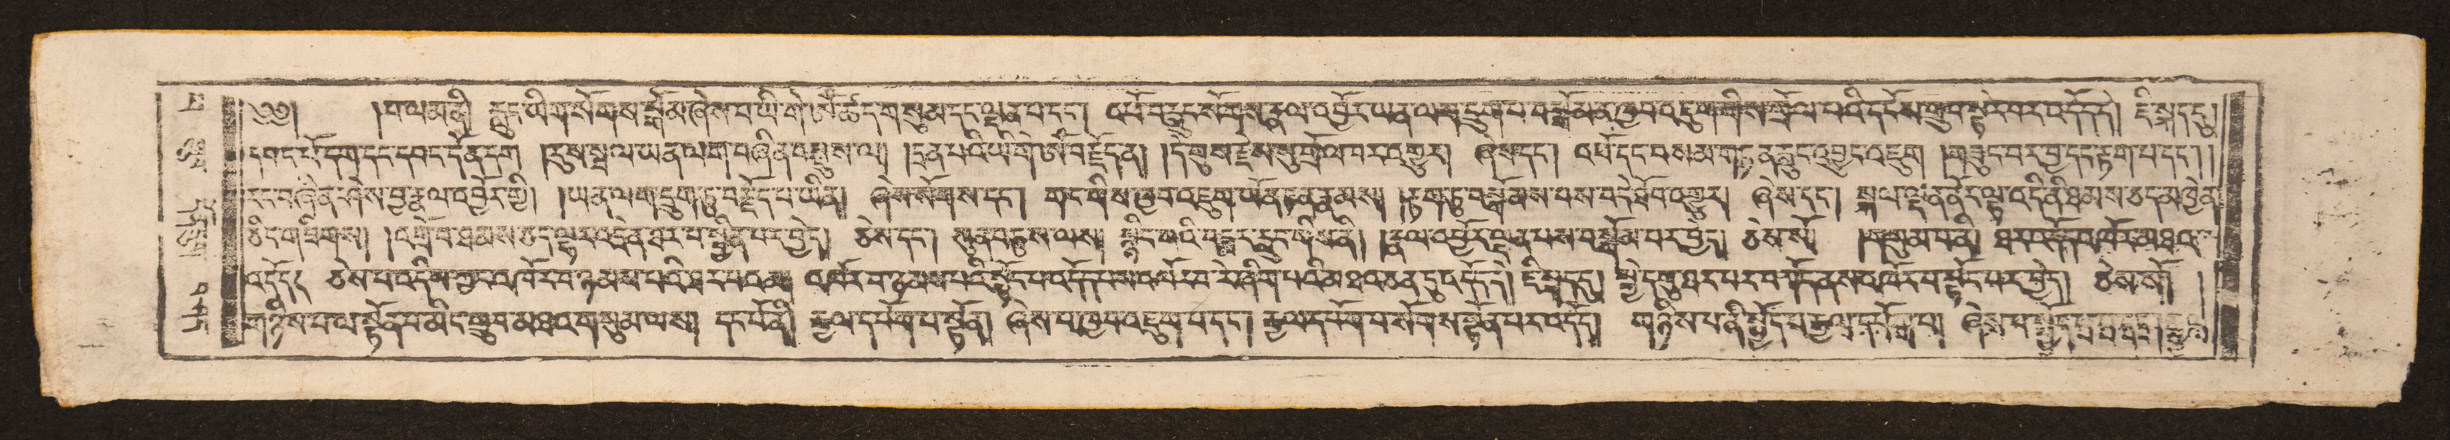༄༅། །པ་ལ་མ་ནི། རླུང་ཡིག་སོགས་སྒོམ་ཞེས་པ་ཡི་གེ་ཨོཾ་ཆོད་གསུམ་དང་ལྡན་པ་དང་། འཕོ་བརླུང་སོགས་རྣལ་འབྱོར་ཡན་ལག་དྲུག་པ་བསྒོམ་ན་ཁྱབ་འཇུག་གིས་གྲོལ་བའི་དངོས་གྲུབ་སྟེར་བར་འདོད་དེ་།ཇི་སྐད་དུ།
དབང་པོ་དག་དང་དབང་དོན་དག །རུས་སྦལ་ཡན་ལག་བཞིན་བསྡུས་ལ། །དྲན་པའི་ཡི་གེ་ཨོཾ་བརྗོད་ན། །དེ་གུས་རྗེས་སུ་གྲོལ་བར་འགྱུར། ཞེས་དང་། འཕོ་དང་བསམ་གཏན་རླུང་འབྱུང་འཇུག །གཟུང་བར་བྱ་དང་རྟག་པ་དང།།
རང་བཞིན་ཤེས་བྱ་རྣལ་འབྱོར་གྱི། །ཡན་ལག་དྲུག་ཏུ་བརྗོད་པ་ཡིན། ཞེས་སོགས་དང་། གང་གིས་ཁྱབ་འཇུག་ཡོན་ཏན་རྣམས། །རྟག་ཏུ་བསྒོམས་པས་བདེ་ཐོབ་འགྱུར། ཞེས་དང་། སྐལ་ལྡན་ནོར་ལྷ་འདི་ནི་ཐམས་ཅད་མཁྱེན་
ཅིང་གཟིགས། །འགྲོ་བ་ཐམས་ཅད་ལྷར་འདྲེན་ཐར་པ་སྦྱིན་པར་བྱེད། ཅེས་དང་། ཀུན་བཏུས་ལས། སྙིང་གའི་པདམར་རླུང་གིས་ནི། །རྣལ་འབྱོར་ལྡན་པས་བསྒོམ་པར་བྱེད། ཅེས་སོ། །གསུམ་པ་ནི། ཐར་འདོད་འཁོར་མཐའ་
འདོད། ཅེས་པ་འདིས་ཀྱང་འཁོར་བ་ཉམས་པའི་ཐར་པའམ། འཁོར་བ་ཉམས་པའི་སྟོང་པ་འདོད་ངས་འཁོར་བ་རེ་ཞིག་པའི་མཐའ་ཅན་དུ་འདོད་དེ། ཇི་སྐད་དུ། སྐྱེ་དགུ་ཐར་པར་བཀོད་ནས་འཁོར་བ་སྟོང་པར་བྱེད། ཅེས་སོ། །
གཉིས་པ་ལ་སྟོན་པ་མིང་གྲུབ་མཐའ་གསུམ་ལས། དང་པོ་ནི། རྒྱལ་དཔོག་བ་སྟོན། ཞེས་པ་ཁྱབ་འཇུག་པ་དང་། རྒྱལ་དཔོག་པ་སོགས་སྟོན་པར་འདོད། གཉིས་པ་ནི་སྤྱོད་པ་རྒྱལ་དཔོག་པ། ཞེས་པ་སྤྱོད་པ་པ་དང་། རྒྱལ་